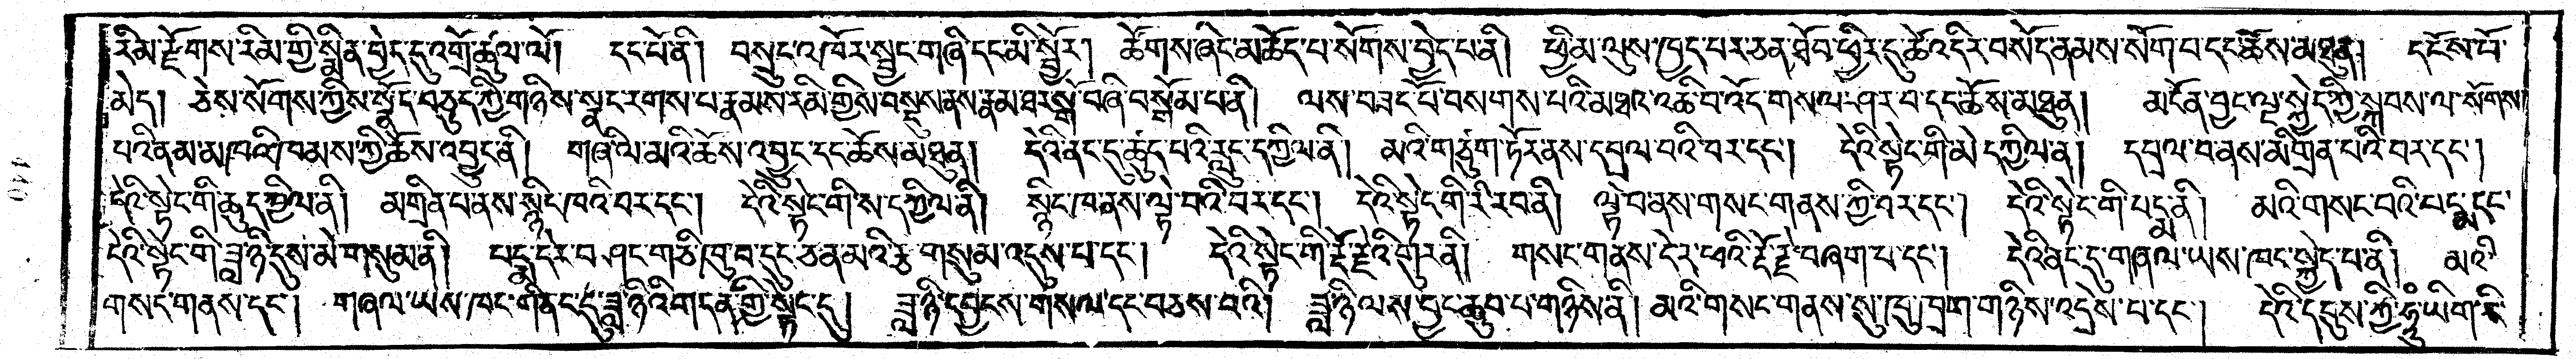རིམ་རྫོགས་རིམ་གྱི་སྨིན་བྱེད་དུ་འགྲོ་ཚུལ་ལོ། དང་པོ་ནི། བསྲུང་འཁོར་སྦྱང་གཞི་དང་མི་སྦྱོར། ཚོགས་ཞིང་མཆོད་པ་སོགས་བྱེད་པ་ནི། ཕྱི་མ་ལུས་ཁྱད་པར་ཅན་ཐོབ་ཕྱིར་དུ་ཚེ་འདིར་བསོད་ནམས་སོག་པ་དང་ཆོས་མཐུན། དངོས་པོ་
མེད། ཅེས་སོགས་ཀྱིས་སྣོད་བཅུད་ཀྱི་གཉིས་སྣང་རགས་པ་རྣམས་རིམ་གྱིས་བསྡུས་ནས་རྣམ་ཐར་སྒོ་བཞི་བསྒོམ་པ་ནི། ལས་བཟང་པོ་བསགས་པའི་མཐའ་འཆི་བ་འོད་གསལ་ཤར་བ་དང་ཆོས་མཐུན། མངོན་བྱང་ལྔ་སྐྱེད་ཀྱི་སྐབས་ལ་སོགས་
པའི་ནམ་མཁའི་ཁམས་ཀྱི་ཆོས་འབྱུང་ནི། གཞི་ལ་མའི་ཆོས་འབྱུང་དང་ཆོས་མཐུན། དེའི་ནང་དུ་ཚུད་པའི་རླུང་དཀྱིལ་ནི། མའི་གཙུག་ཏོར་ནས་དཔྲལ་བའི་བར་དང་། དེའི་སྟེང་གི་མེ་དཀྱིལ་ན། དཔྲལ་བ་ནས་མགྲིན་པའི་བར་དང་།
དེའི་སྟེང་གི་ཆུད་ཁྱིལ་ནི། མགྲིན་པ་ནས་སྙིང་ཁའི་བར་དང་། དེའི་སྟེང་གི་ས་དཀྱིལ་ནི། སྙིང་ཁ་ནས་ལྟེ་བའི་བར་དང་། དེའི་སྟེང་གི་རི་རབ་ནི། ལྟེ་བ་ནས་གསང་གནས་ཀྱི་བར་དང་། དེའི་སྟེང་གི་པདམ་ནི། མའི་གསང་བའི་པདམ་དང་
དེའི་སྟེང་གི་ཟླ་ཉི་དུས་མེ་གསུམ་ནི། པདམ་དེར་བཤད་གཅི་ཁུ་བ་དུང་ཅན་མའི་རྩ་གསུམ་འདུས་པ་དང་། དེའི་སྟེང་གི་རྡོ་རྗེའི་གུར་ནི། གསང་གནས་དེར་ཕའི་རྡོ་རྗེ་བཞག་པ་དང་། དེའི་ནང་དུ་གཞལ་ཡས་ཁང་སྐྱེད་པ་ནི། མའི་
གསང་གནས་དང་། གཞལ་ཡས་ཁང་གནང་དུ་ཟླ་ཉིའི་གདན་གྱི་སྟེང་དུ། ཟླ་ཉི་དབྱངས་གསལ་དང་བཅས་པའི། ཟླ་ཉི་ལས་བྱང་ཆུབ་པ་གཉིས་ནི། མའི་གསང་གནས་སུ་ཁུ་ཁྲག་གཉིས་འདྲེས་པ་དང་། དེའི་དབུས་ཀྱི་ཧཱུཾ་ཡིག་རི་